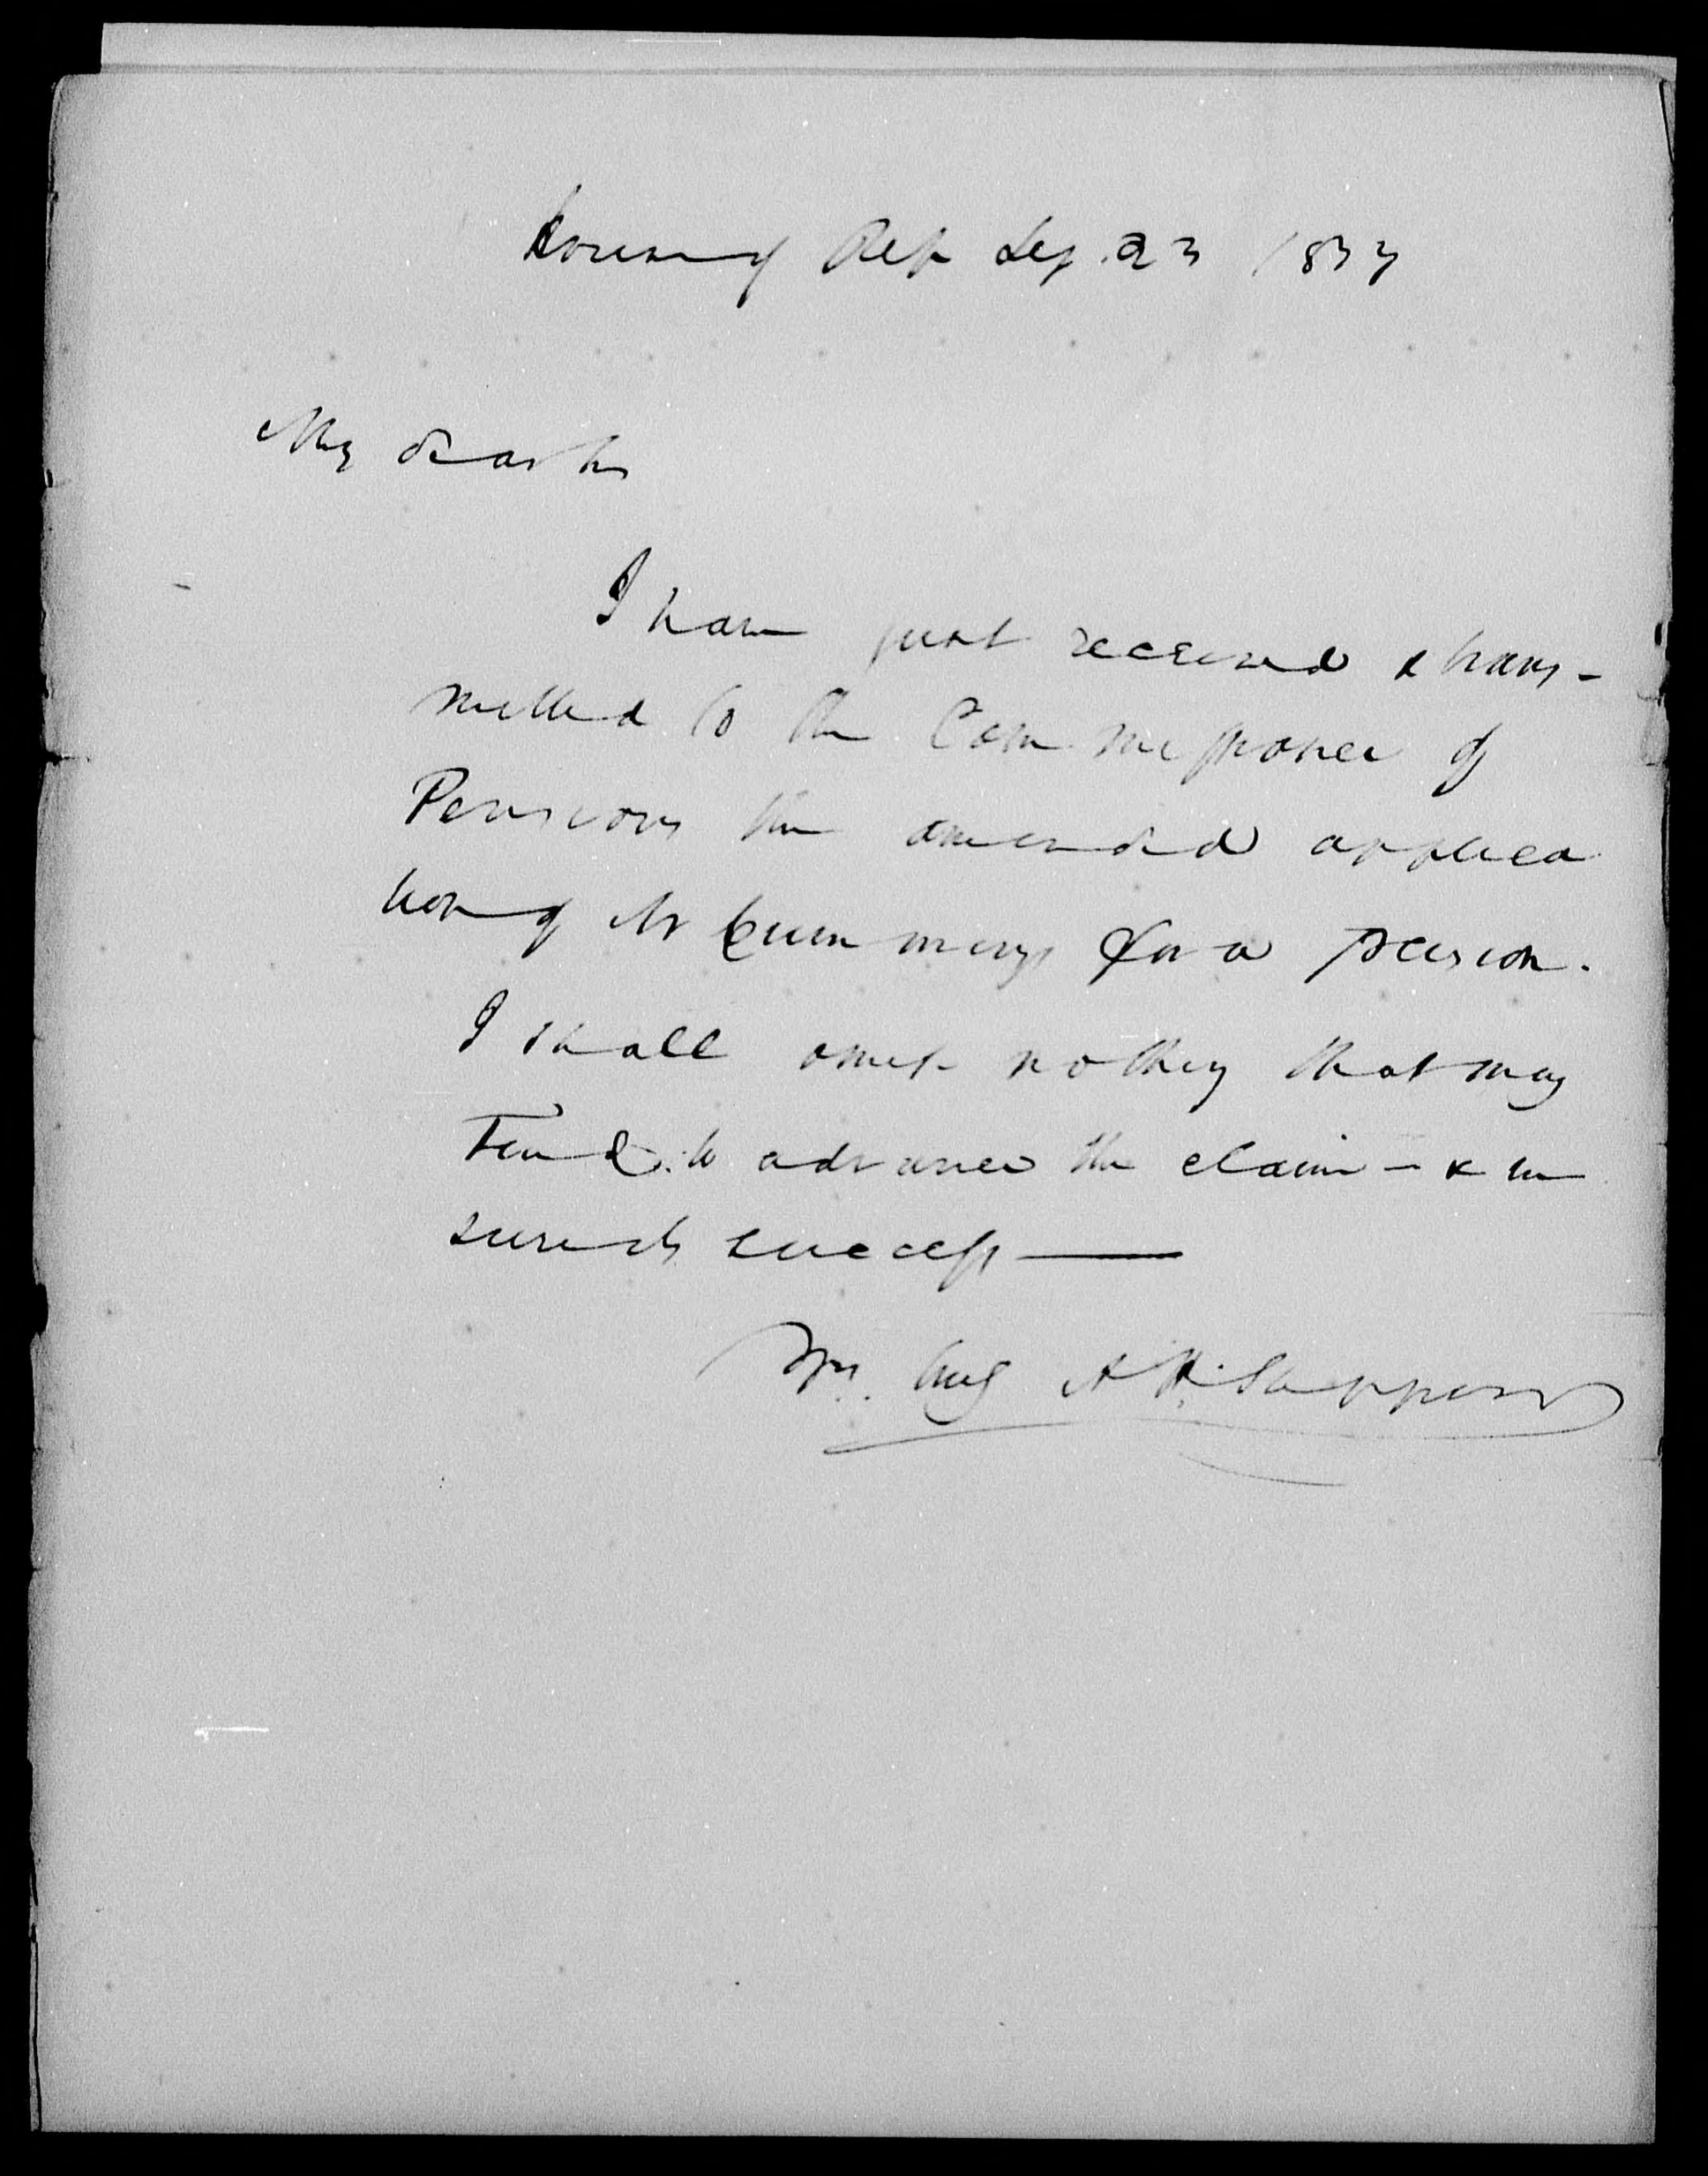[Handwritten letter with several difficult-to-read words.]

[?] House of Rep [? House of Representatives] Sep. 23 1833

[?] My dear Sir
I have just received and transmitted to the Commissioner of Pensions the amended application of Mr Cummings for a pension. 

I shall omit nothing that may tend to advance the claim and to [illegible] success --
[Two illegible words] A H Shpperd [or Shepperd]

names: A H Shepperd, Park, Cummings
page: 69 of 145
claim: survivor's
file: S. 8265, William Cumming, N.C.